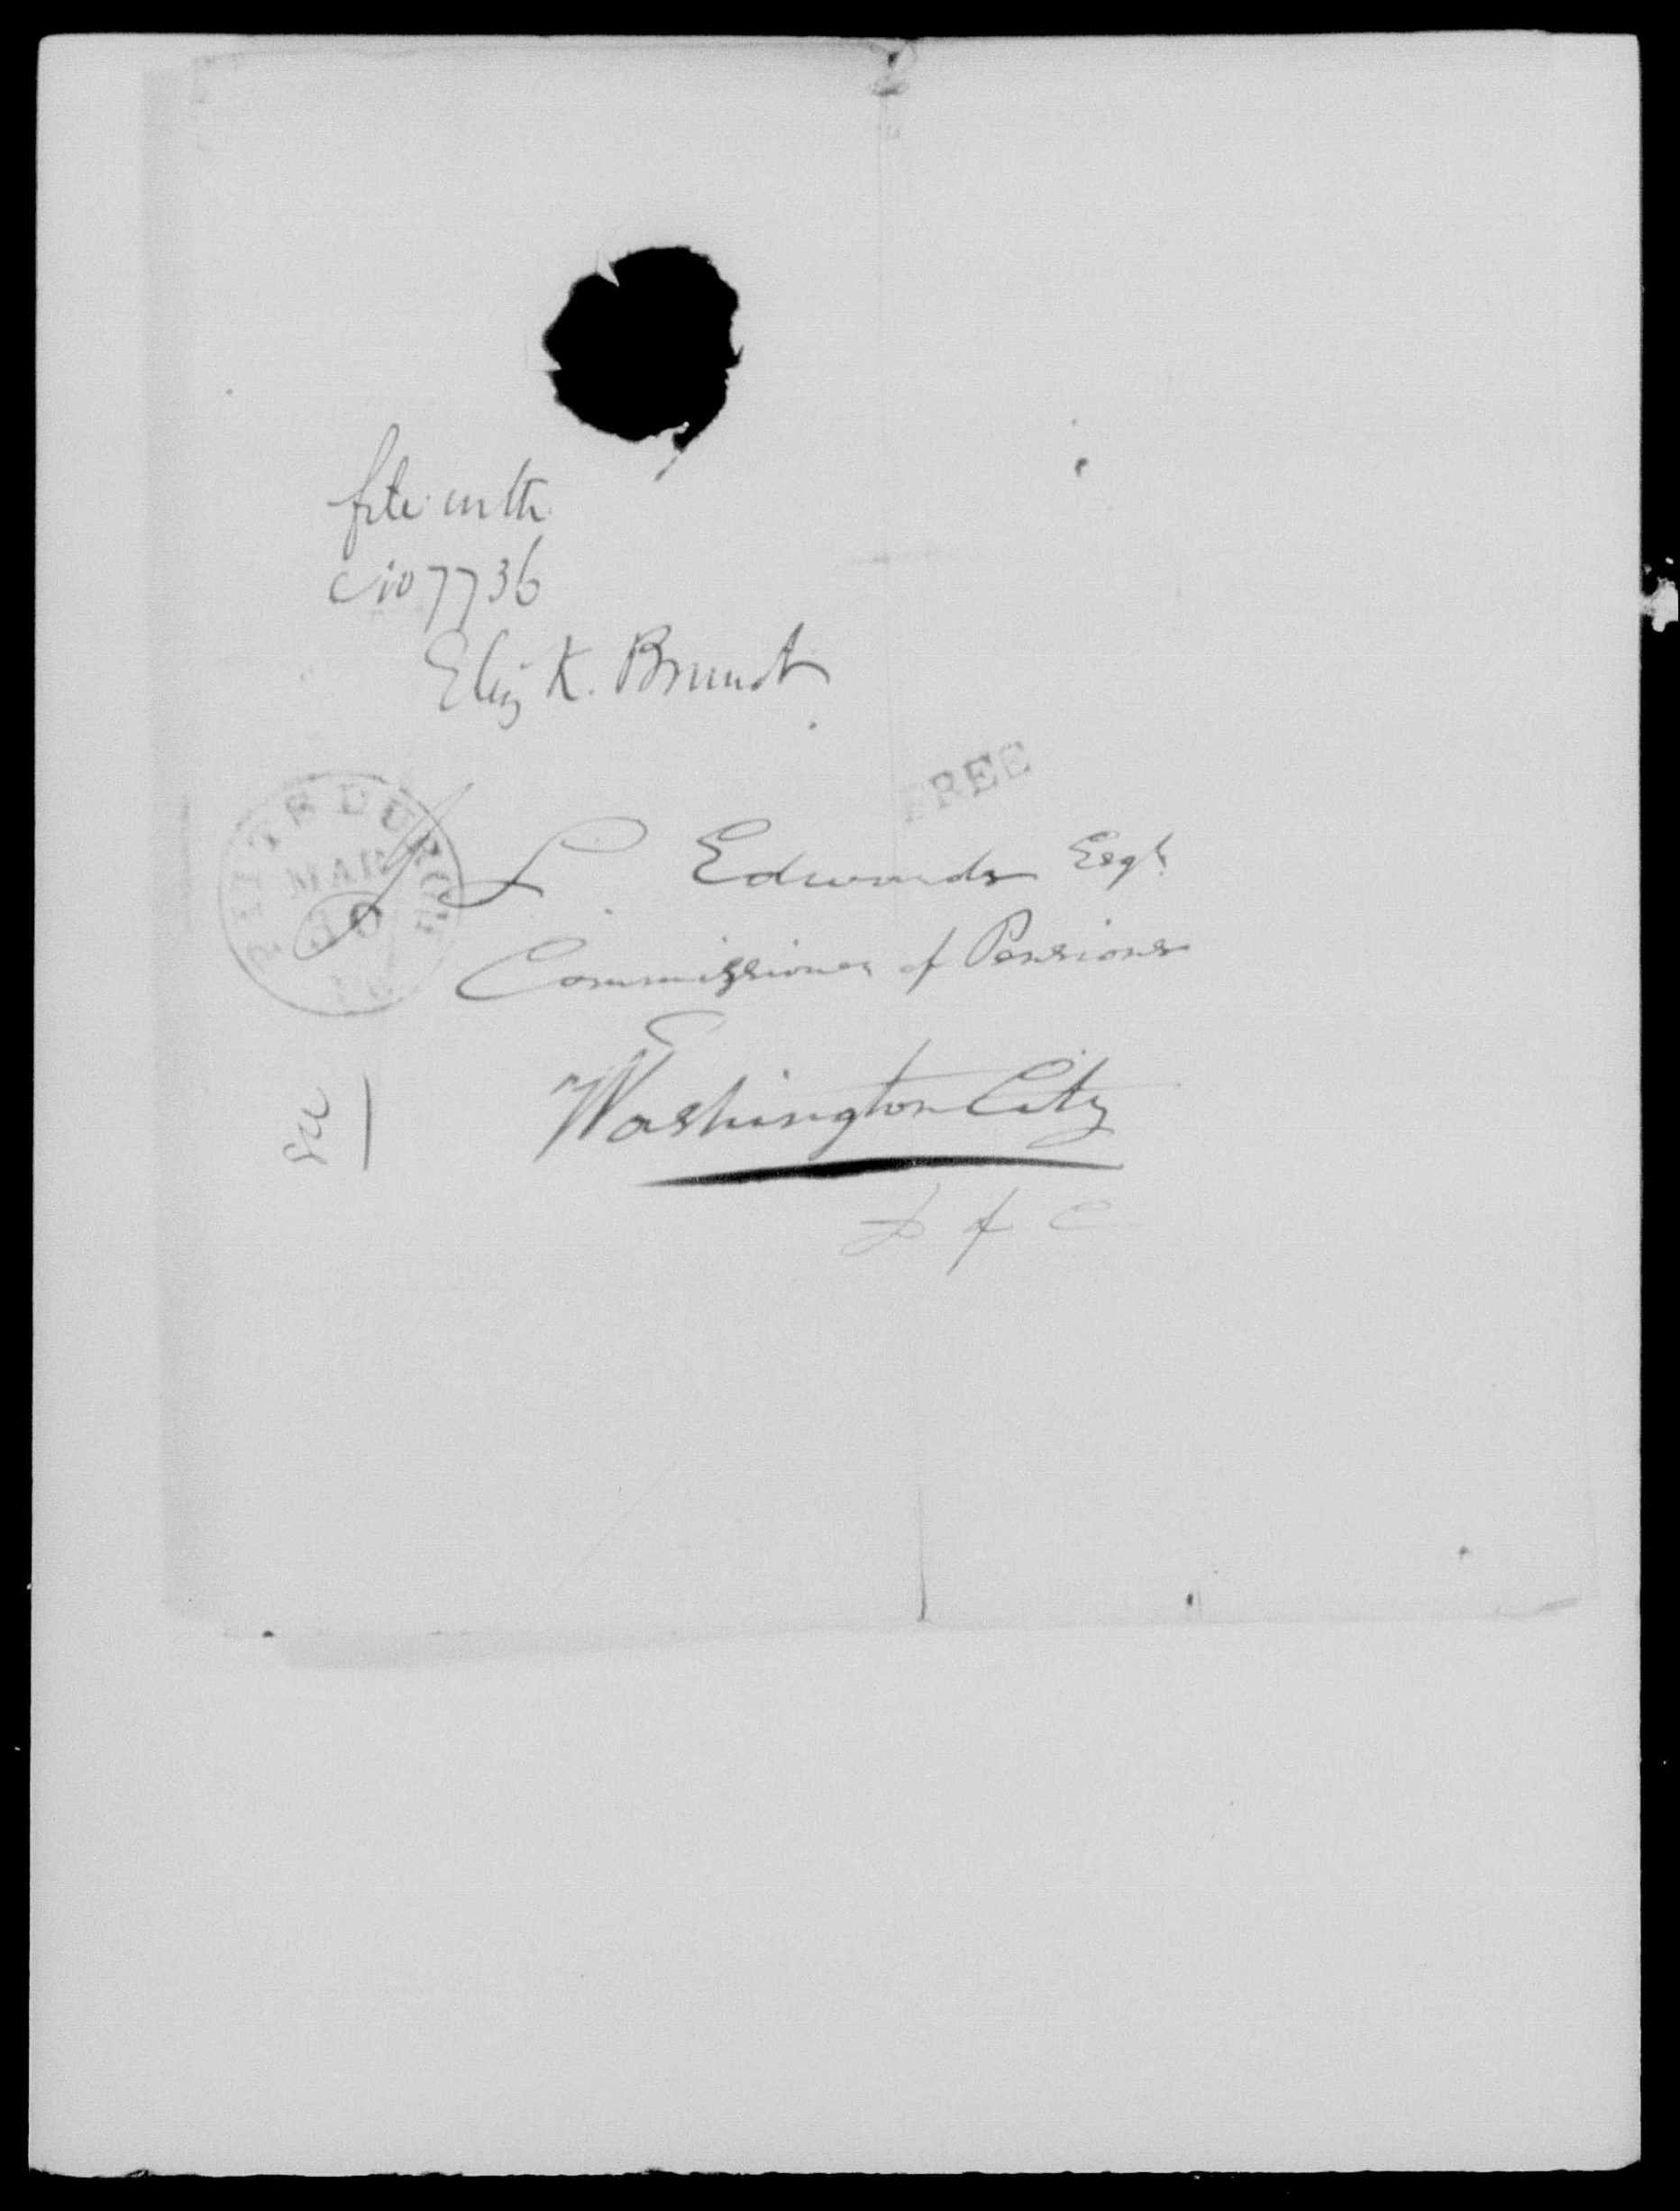file with
No 7736
Eliz K. Brunot
J.L. Edwards Esq
 Commissioner of Pensions 
Washington City
D of C 
[Round Stamp] Pittsburgh March 30
[Stamp] FREE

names: J L Edwards, Eliz K Brunot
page: 33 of 34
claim: rejected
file: R. 1371, Felix Brunot, Penn.